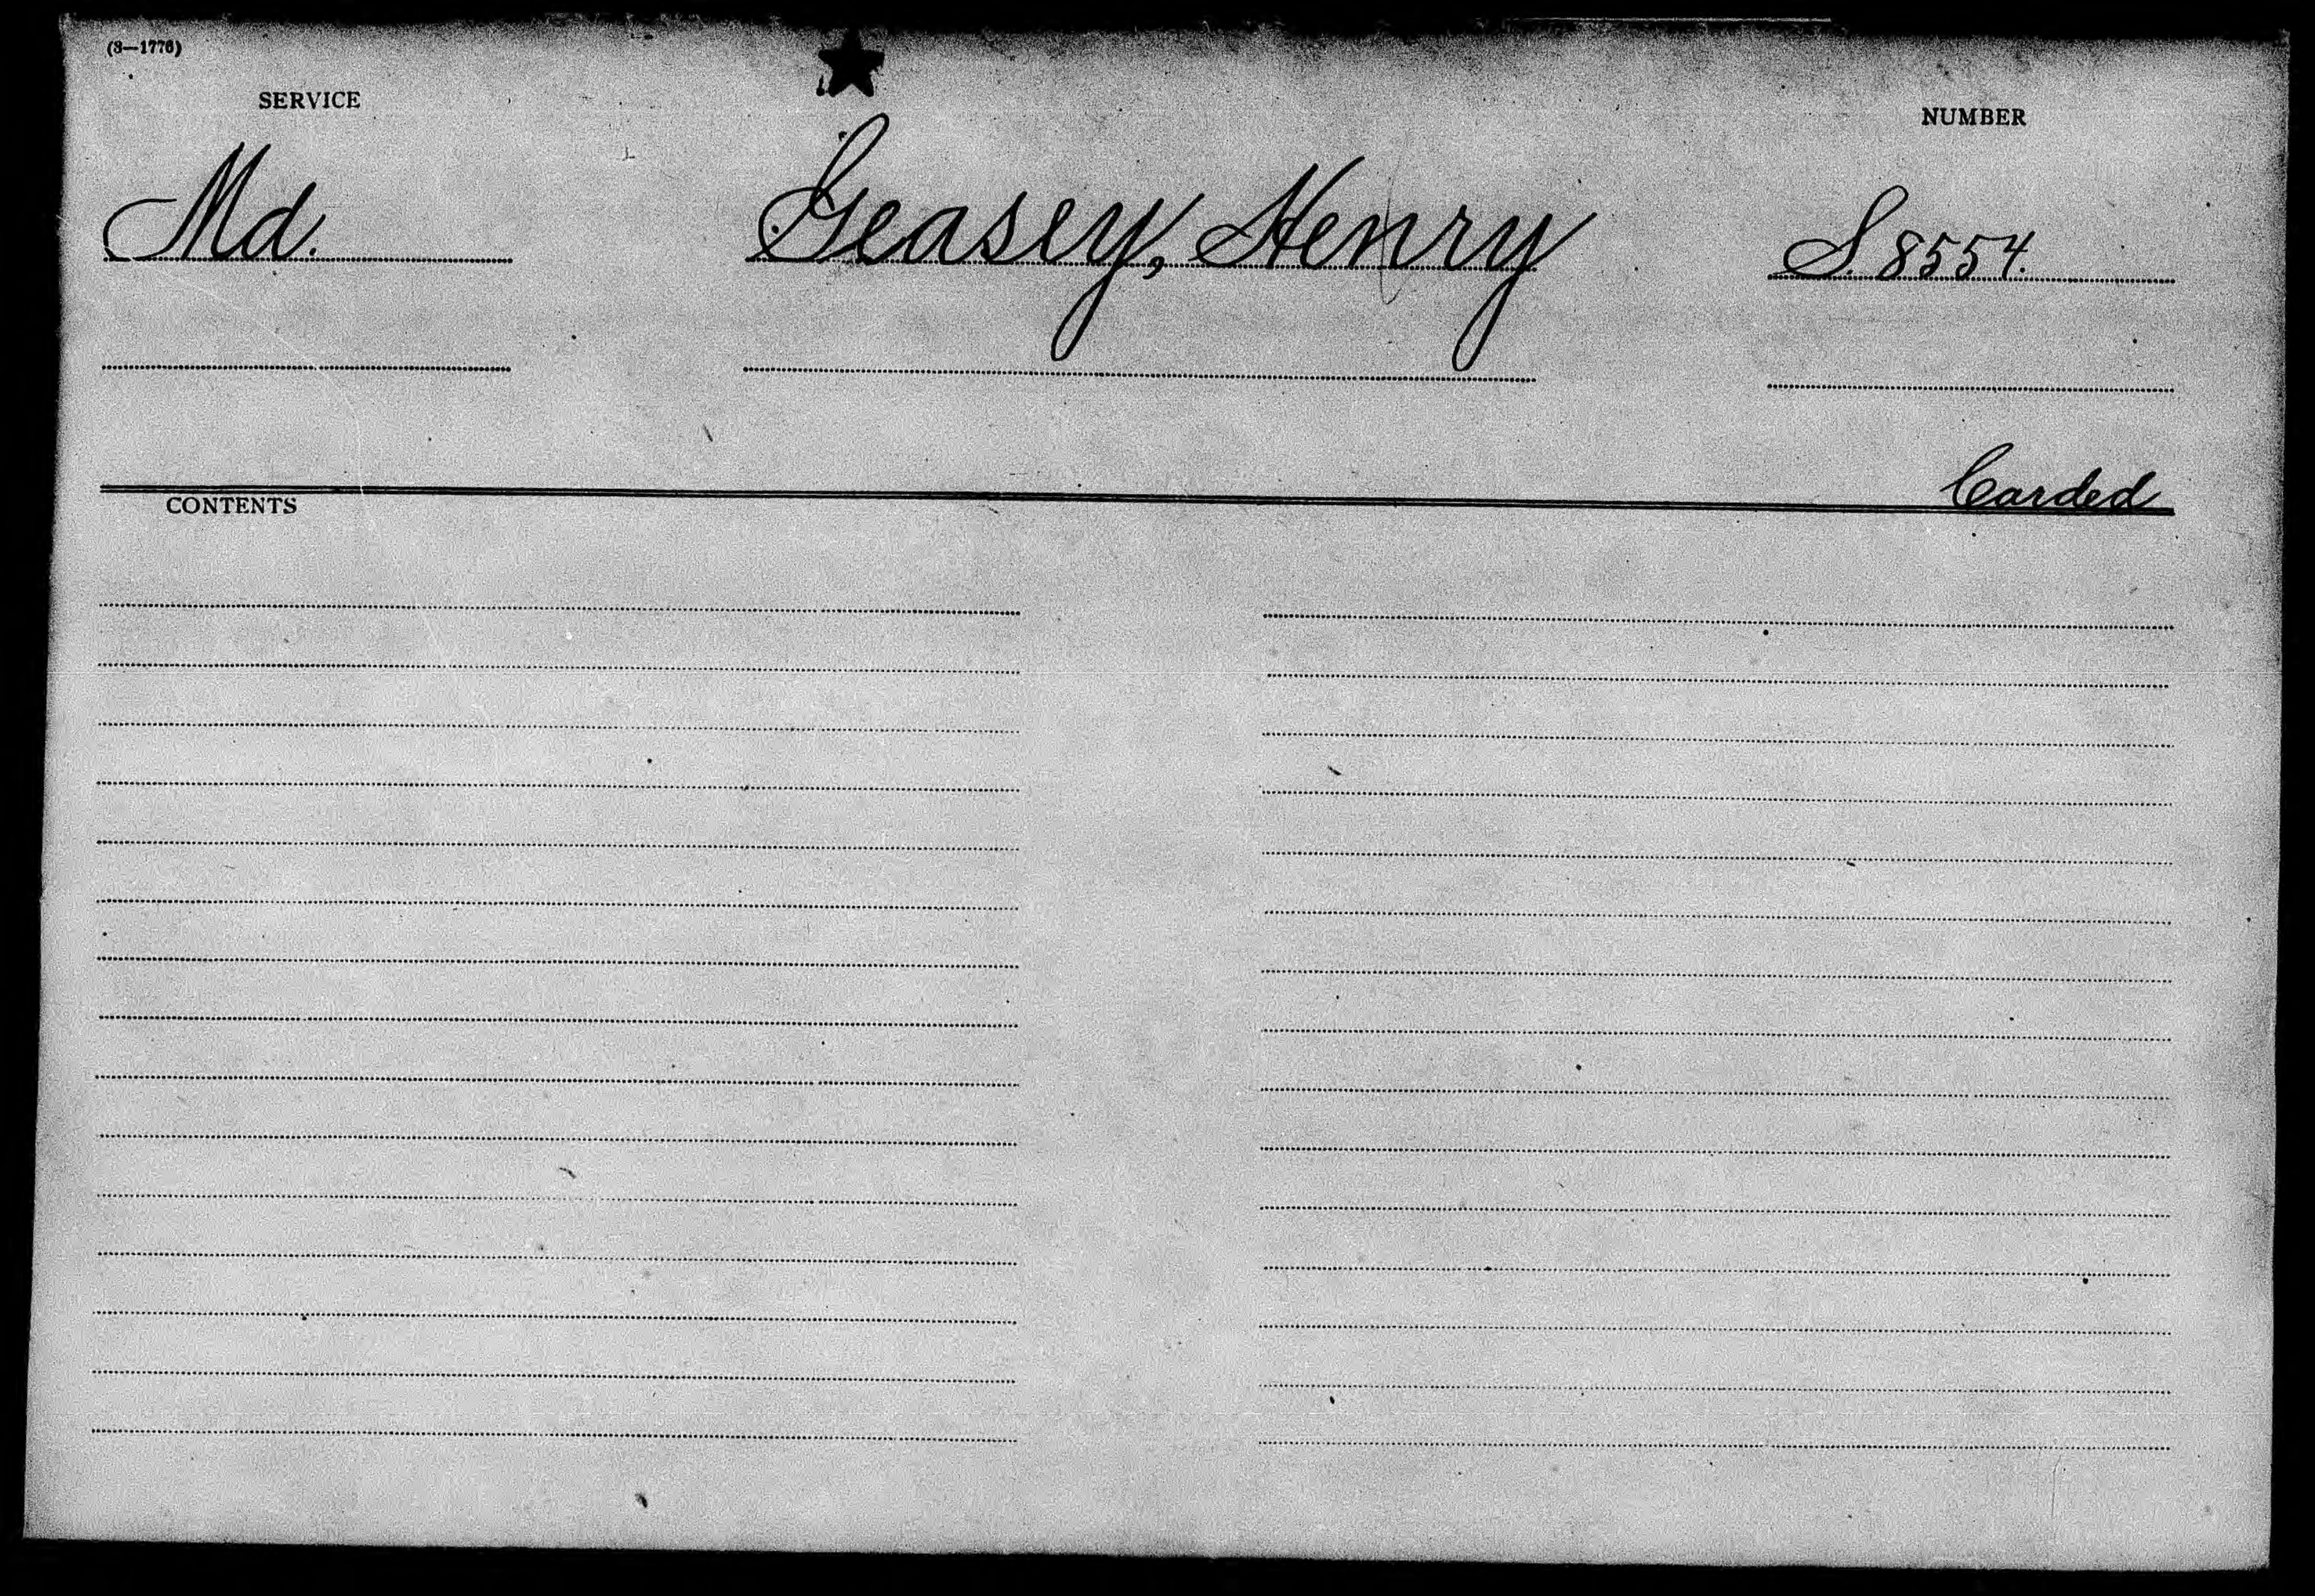Service                                  Number
Md.          Geasey, Henry     S.8554.

                                            Carded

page: 1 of 11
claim: survivor's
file: S. 8554, Henry Geasey, Md.